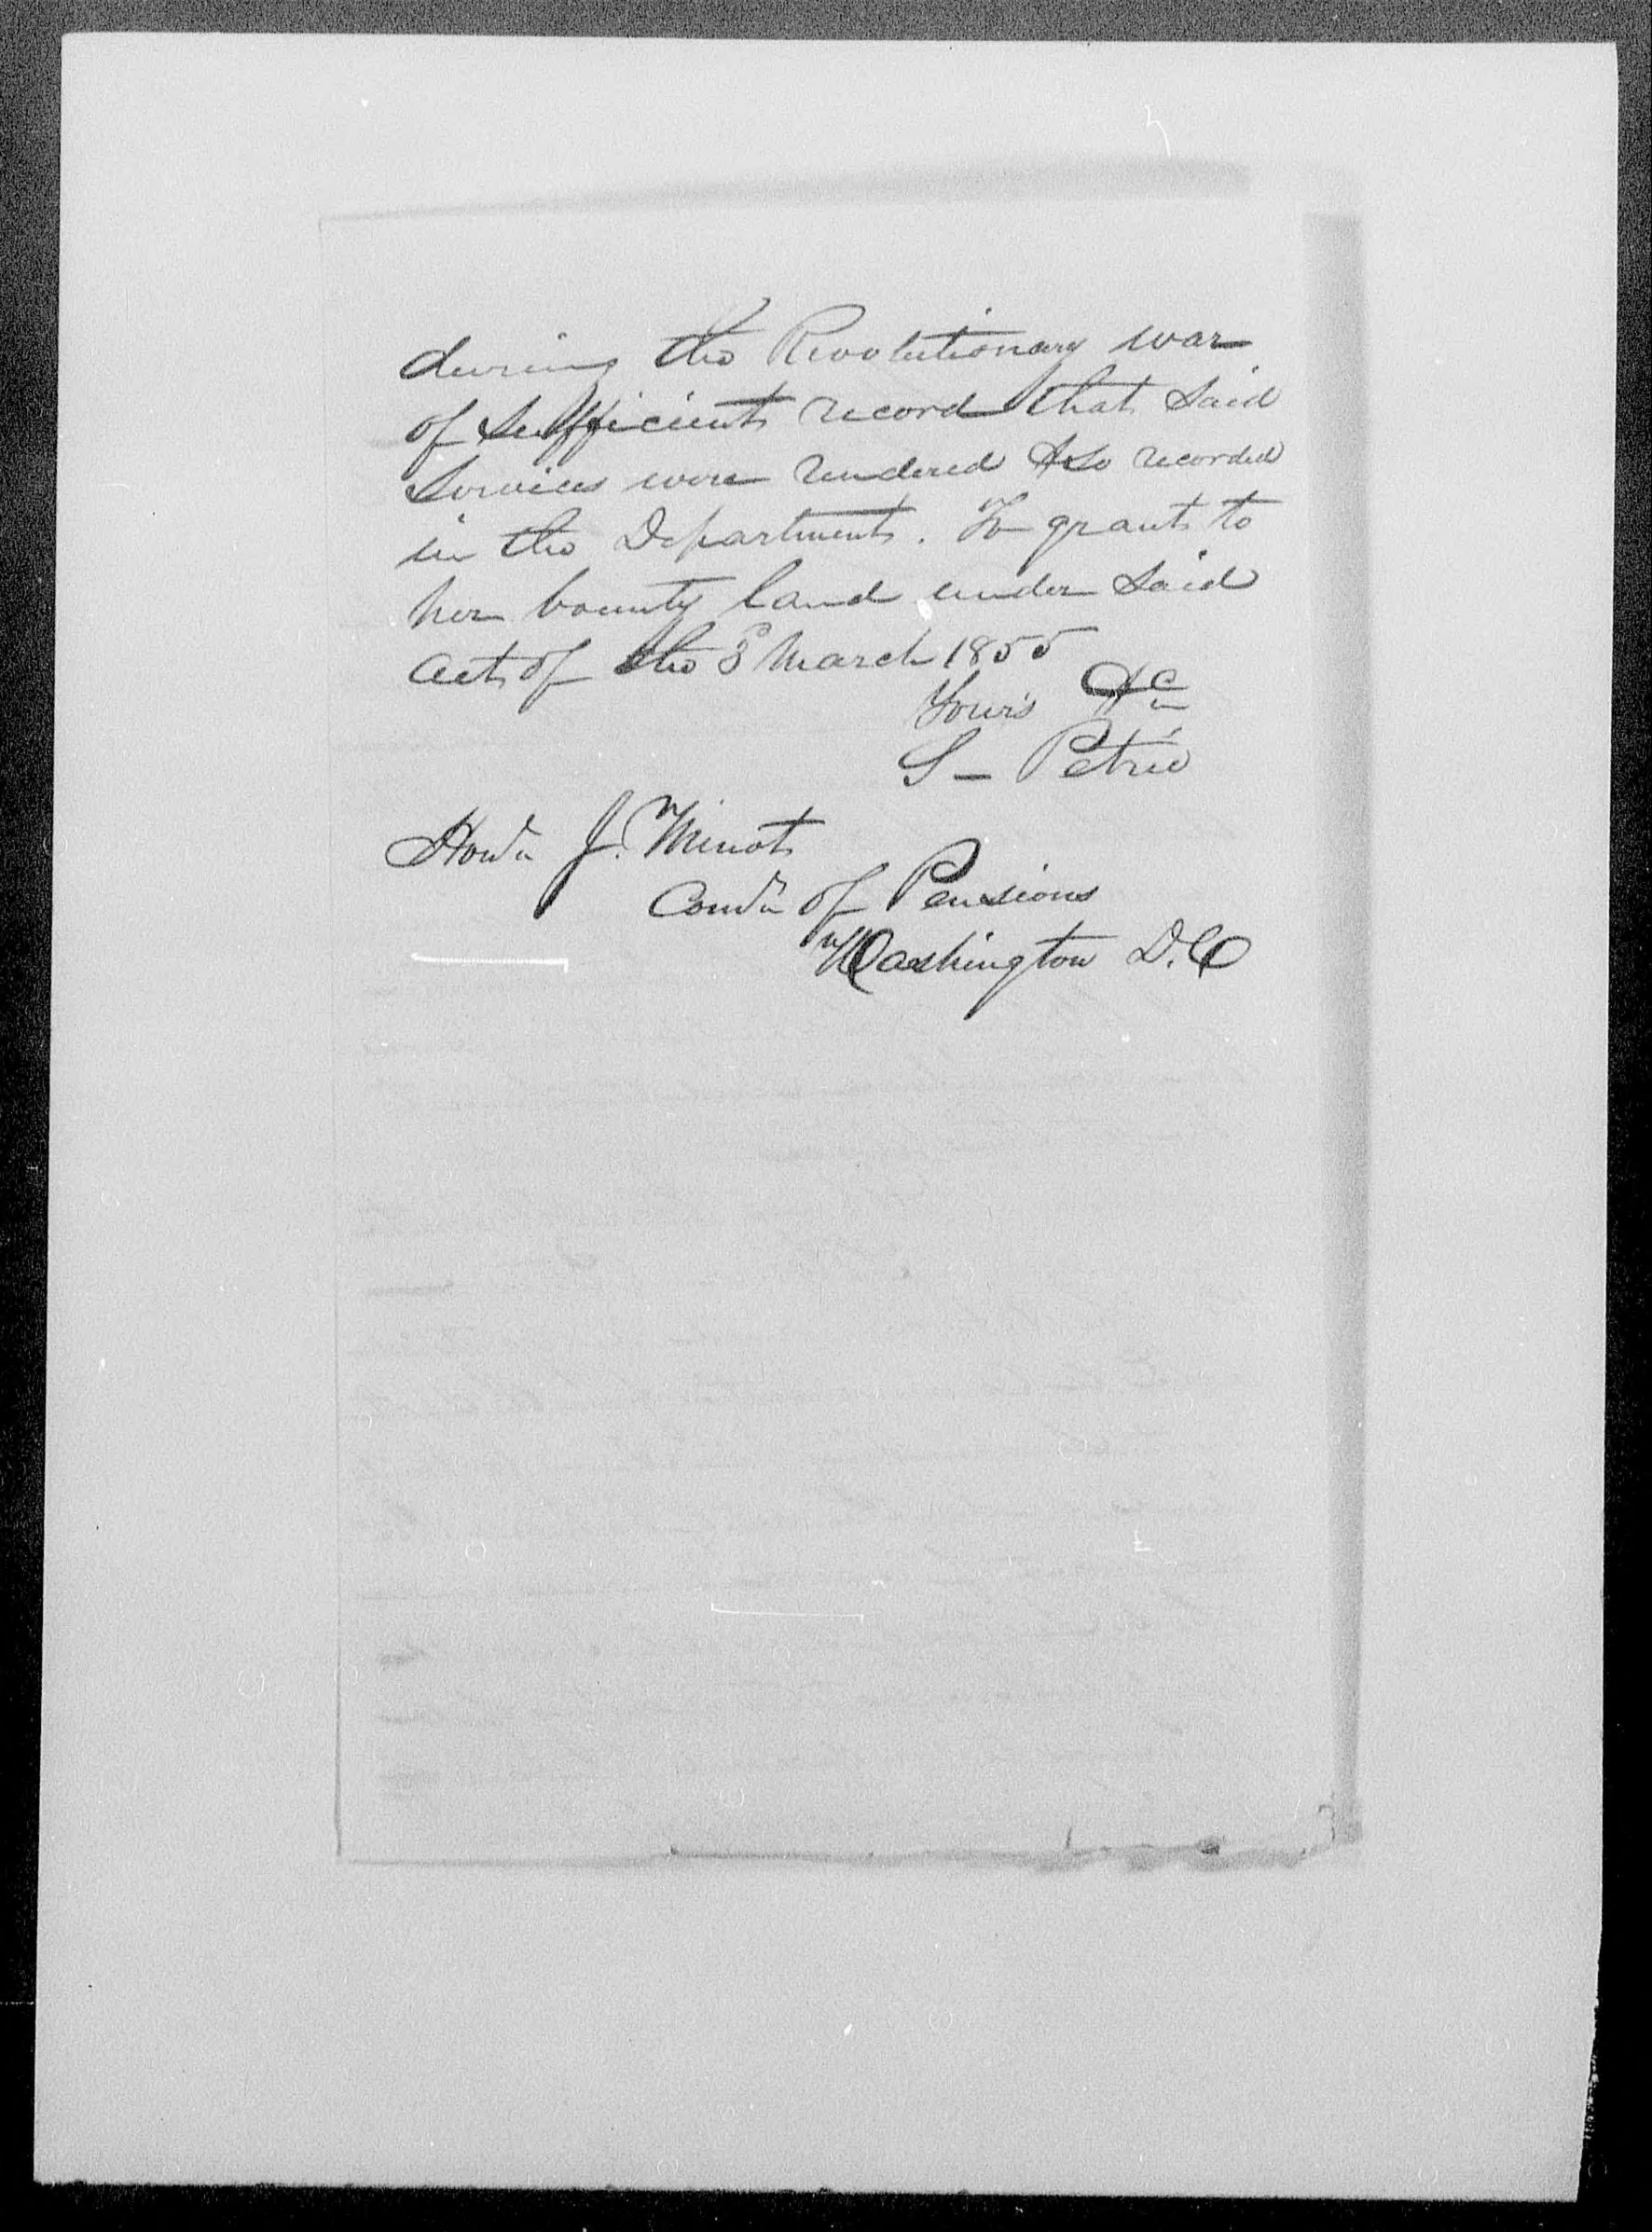during the Revolutionary war of sufficient record that said services were rendered & so recorded in the Department. To grant to her bounty land under said act of the 3d March 1855 
Your's &c
S Petrie 

Hon J. Minot 
Comr of Pensions 
Washington D.C.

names: S Petrie, J Minot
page: 41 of 66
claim: widow's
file: W. 6637, Richard Caslar, New York